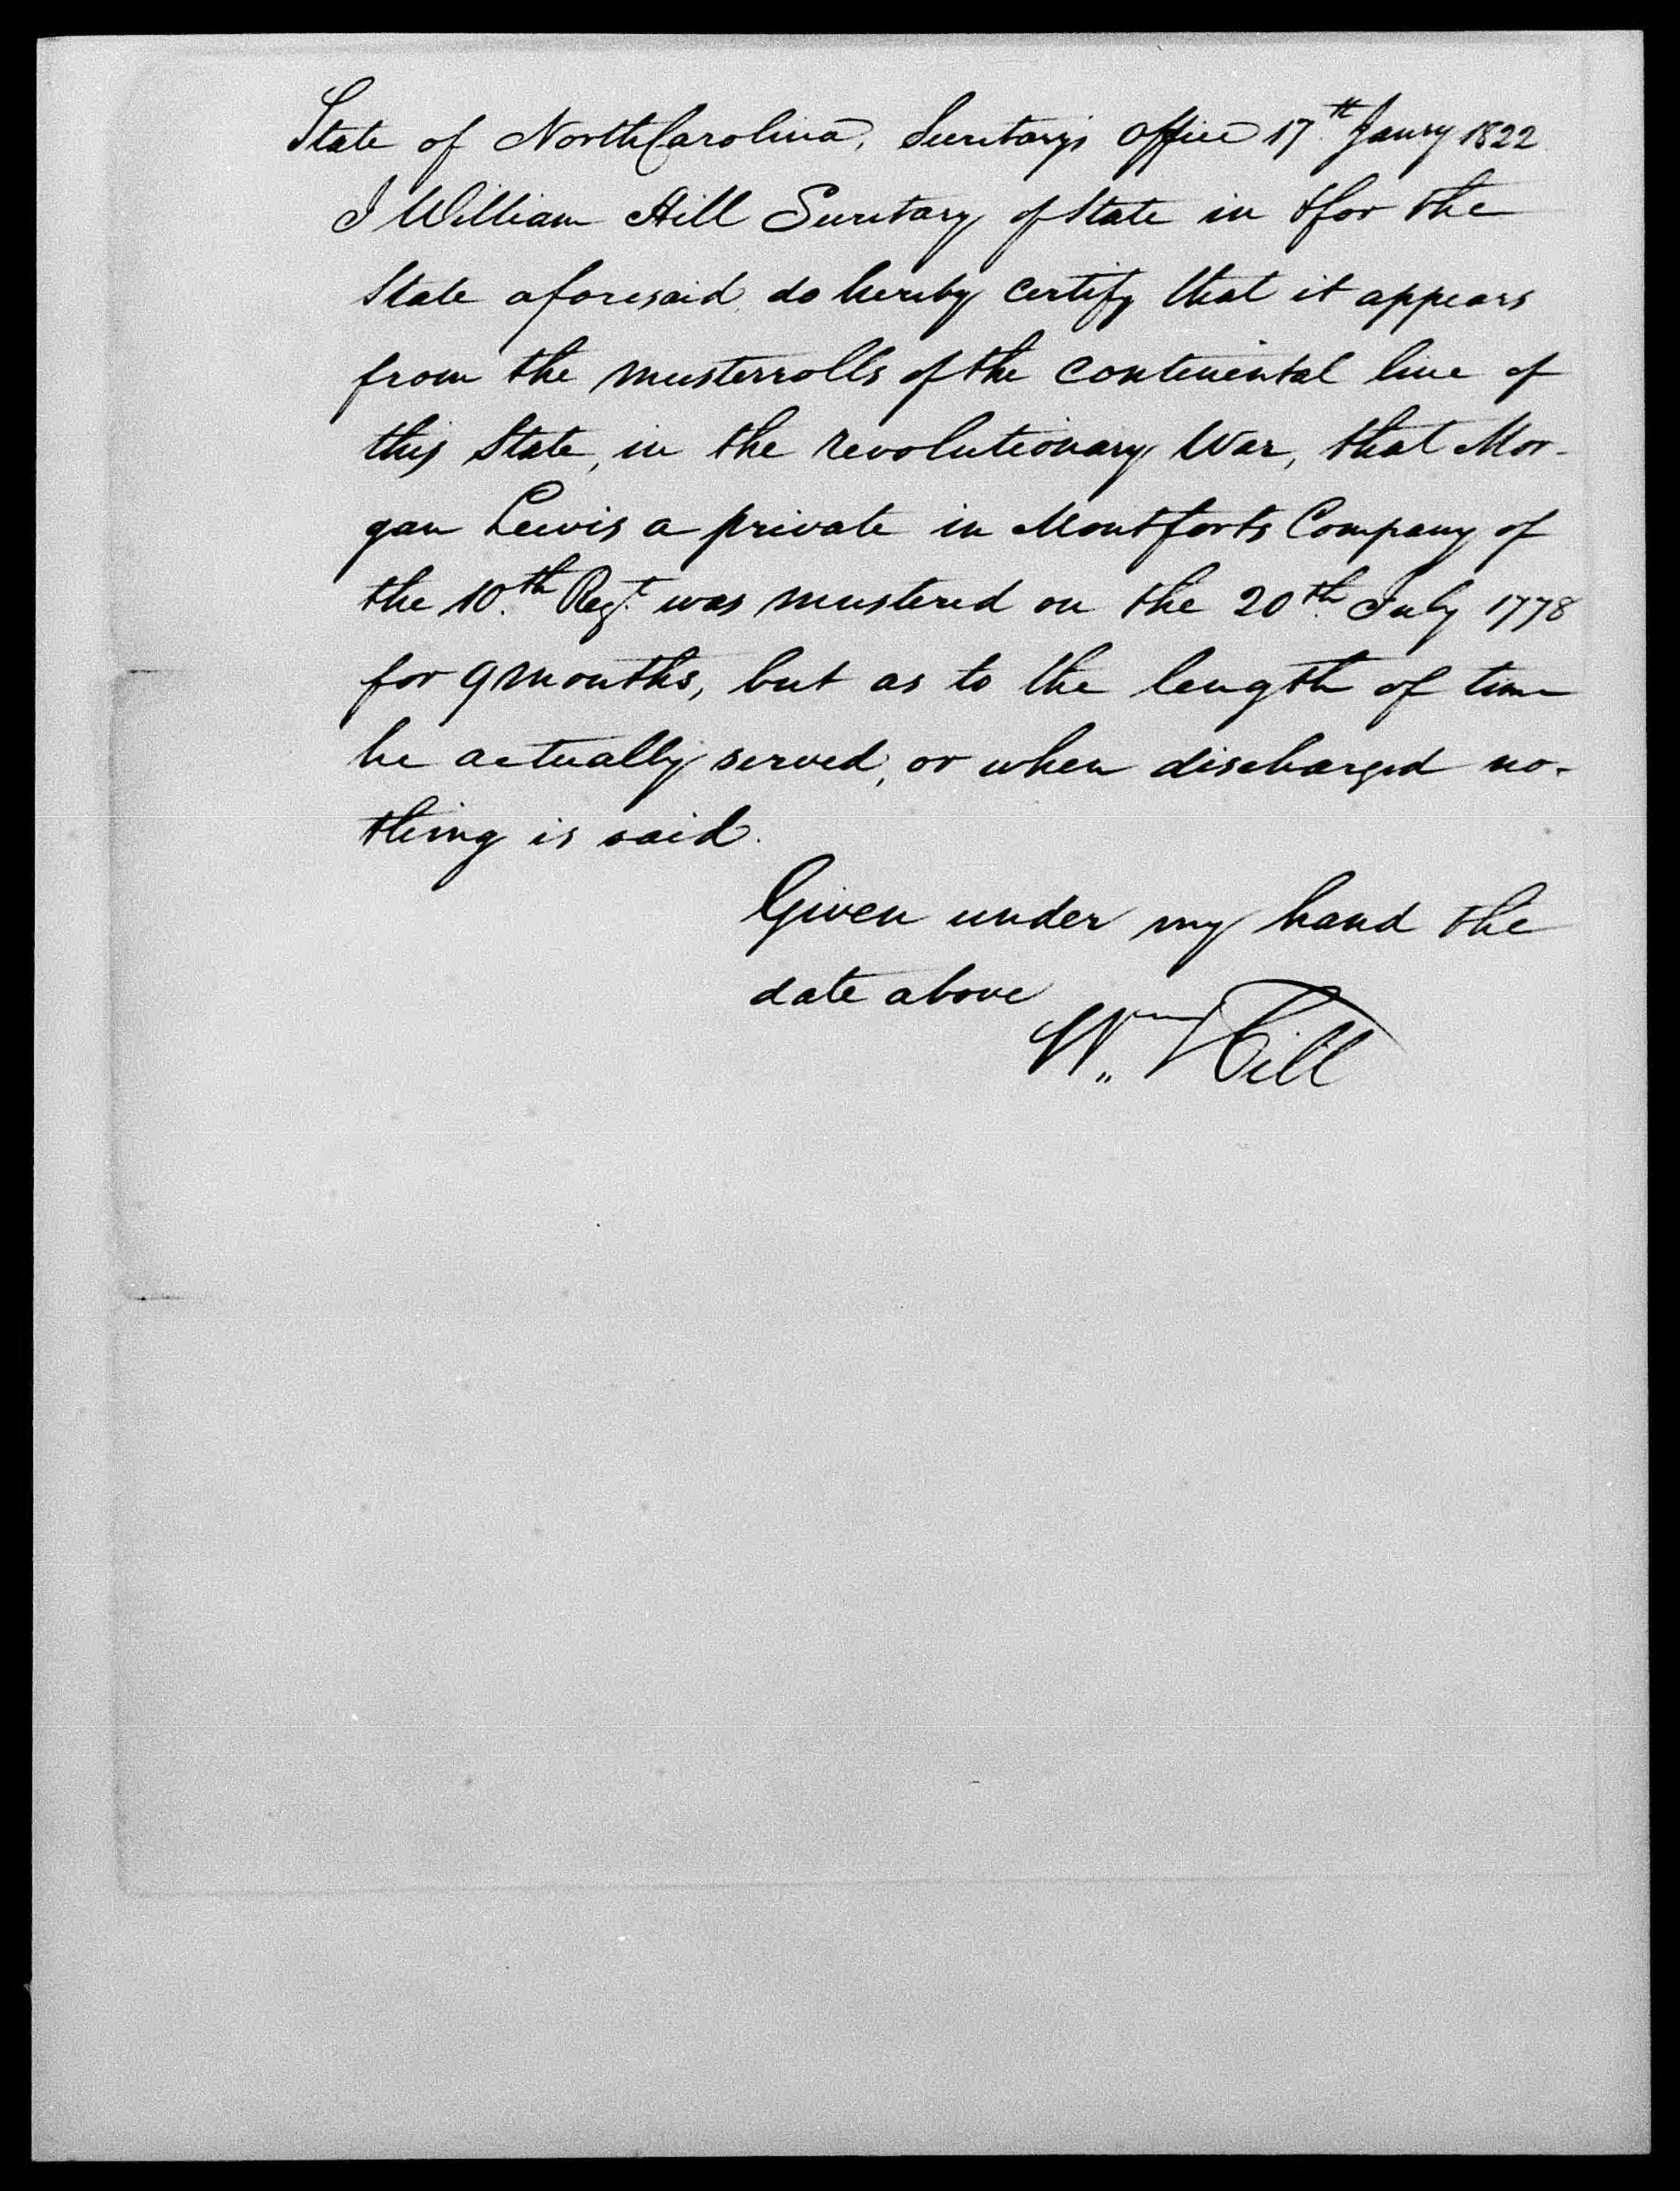State of North Carolina, Secretary's Office 17th January 1822
I William Hill Secretary of State in & for the 
State aforesaid, do hereby certify that it appears
from the musterrolls of the Continental line of
this state, the Revolutionary War, that
Morgan Lewis a private in [illegible] Company of
the 10th Reg. was mustered on the 20th July 1778
for 9 months, but as to the length of time
he actually served, or when discharged no-
thing is said.
Given under my hand the
date above
[signed]
W. Hill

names: Morgan Lewis; William Hill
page: 6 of 7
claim: survivor's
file: S. 41766, for Morgan Lewis, North Carolina